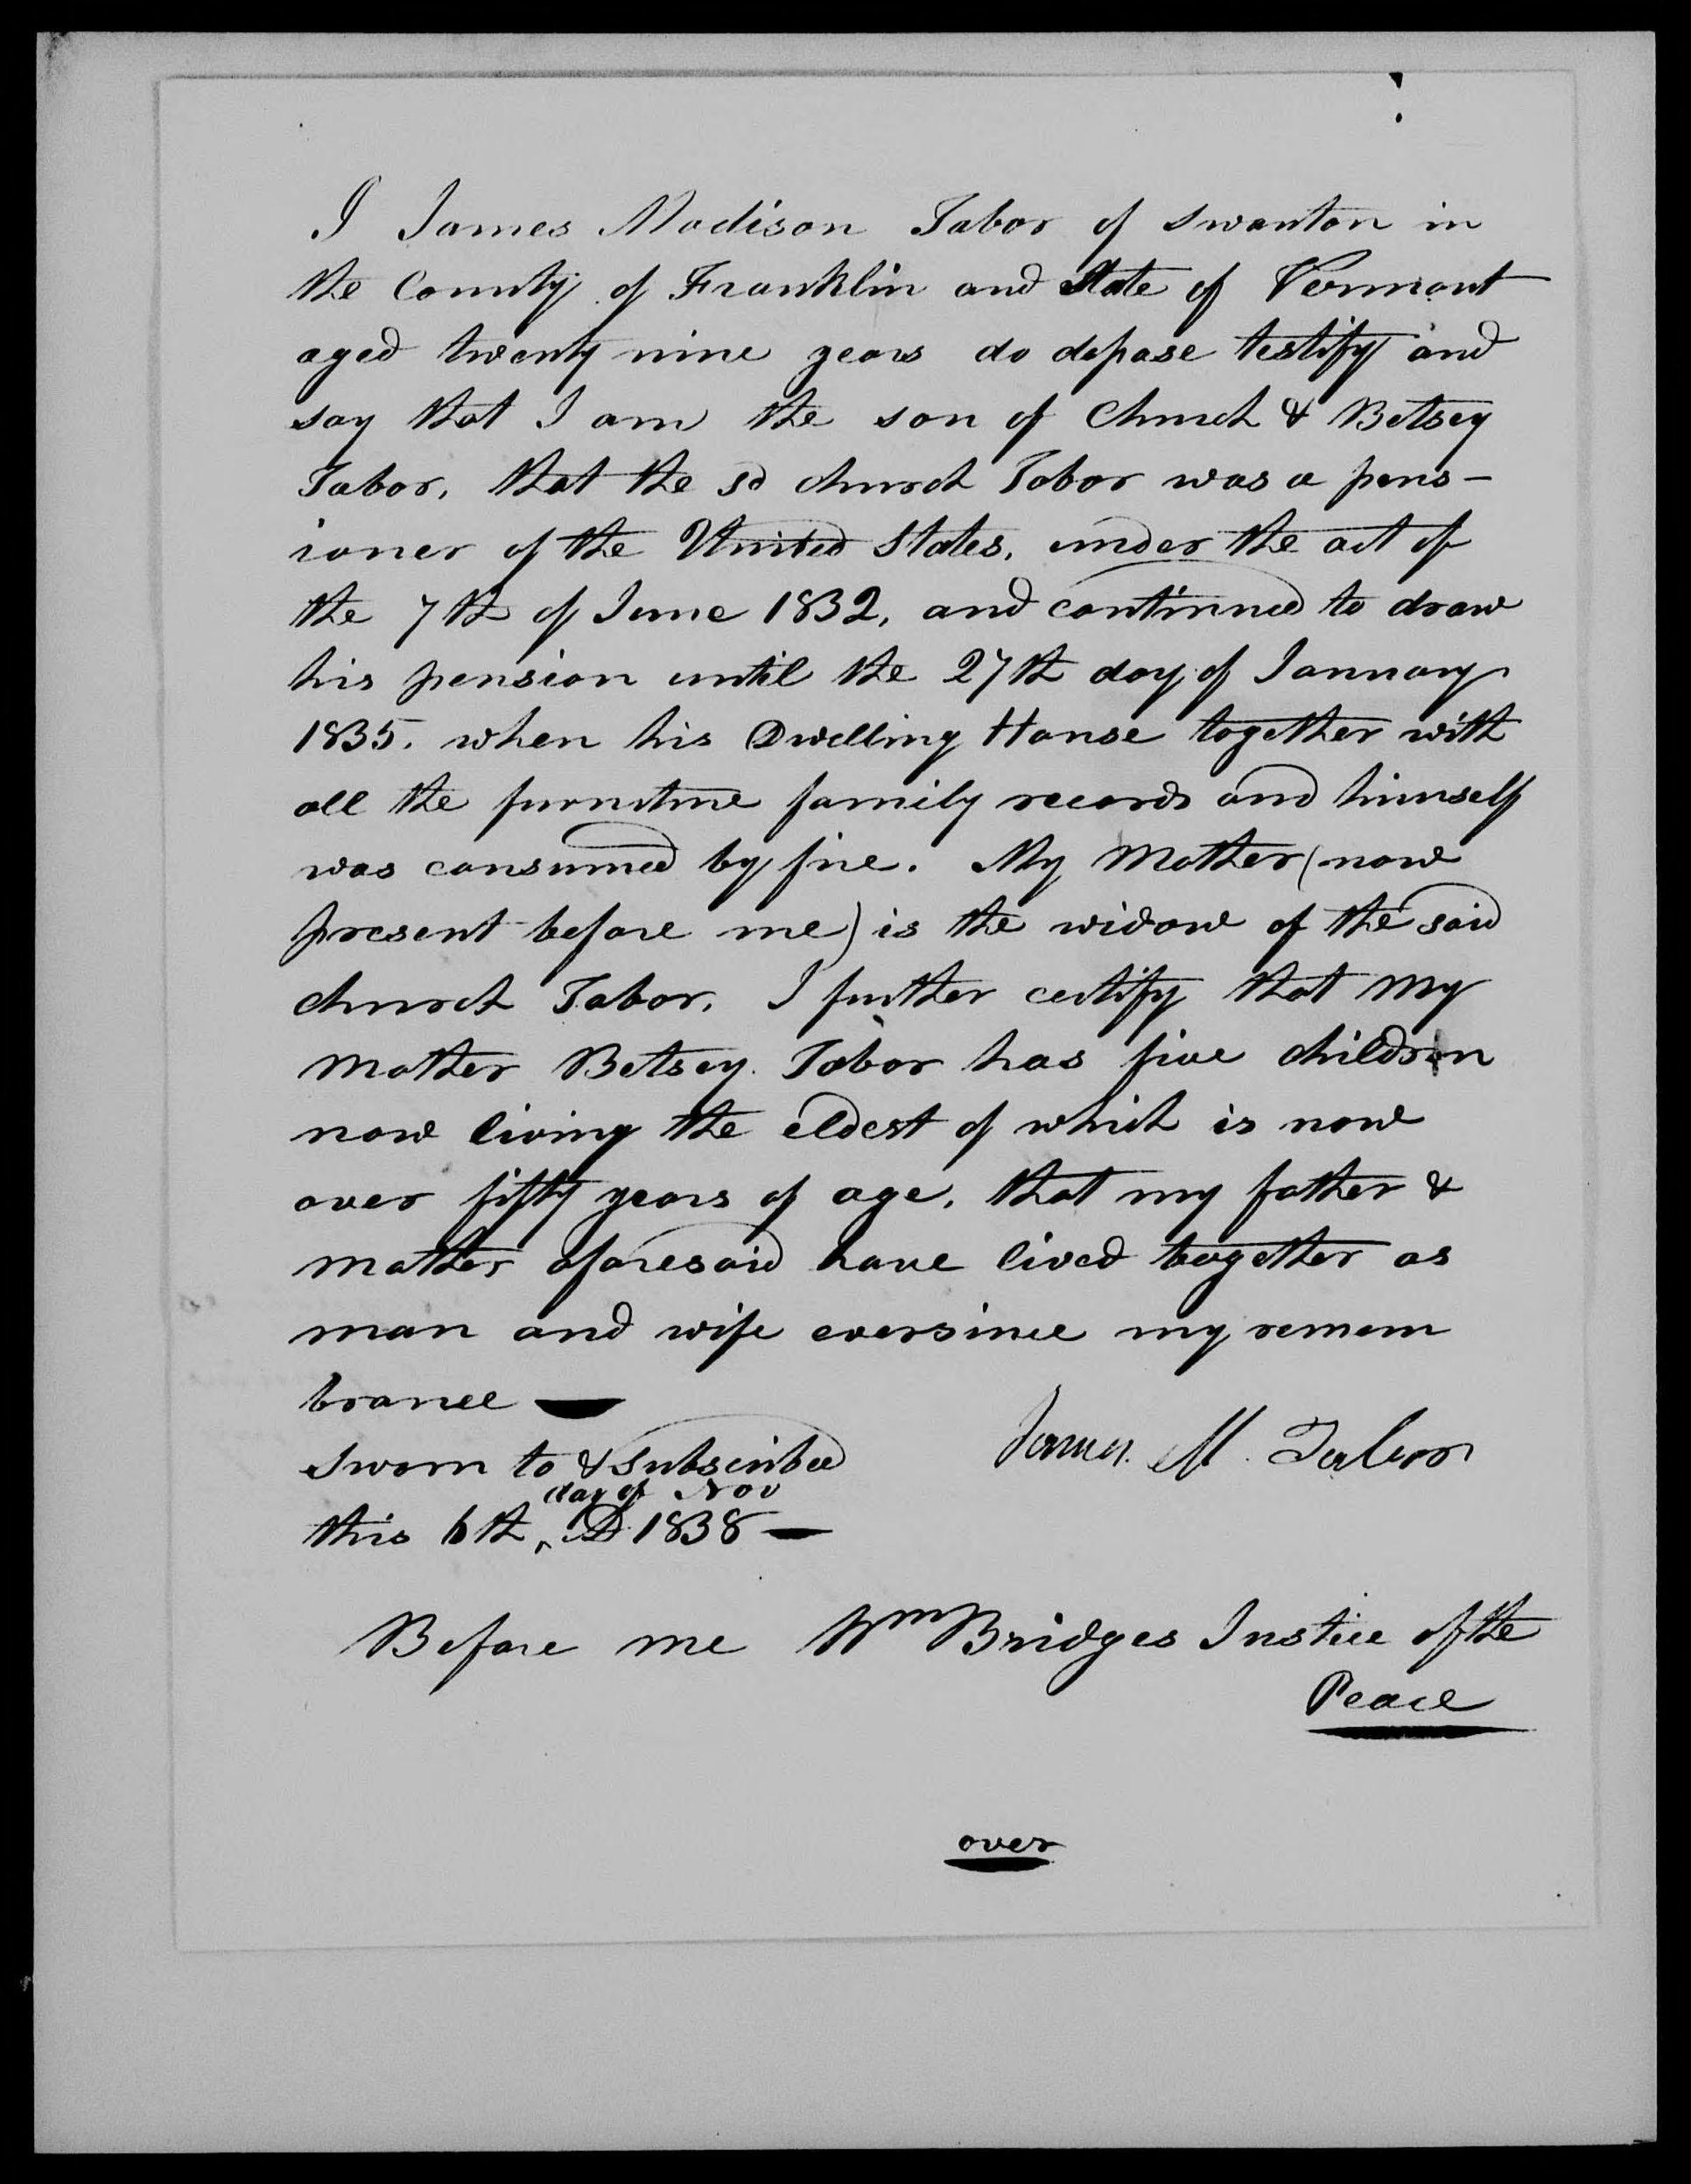I James Madison Tabor of Swanton in the County of Franklin and State of Vermont aged twenty nine years do depose testify and say that I am the son of Church & Betsey Tabor, that the sd. Church Tabor was a pensioner of the United States under the act of the 7th of June 1832 and continued to draw his pension until the 27th day of January 1835, when his dwelling House together with all the furniture family records and himself was consumed by fire. My mother (now present before me) is the widow of the said Church Tabor. I further certify that my mother Betsey Tabor has five children now living the eldest of which is now over fifty years of age, that my father & mother aforesaid have lived together as man and wife ever since my remembrance.
James M. Tabor
Sworn to & subscribed this 6th day of Nov. AD 1838
Before me Wm. Bridges Justice of the Peace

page: 22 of 41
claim: widow's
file: W 26507, for Church Tabor, Massachusetts